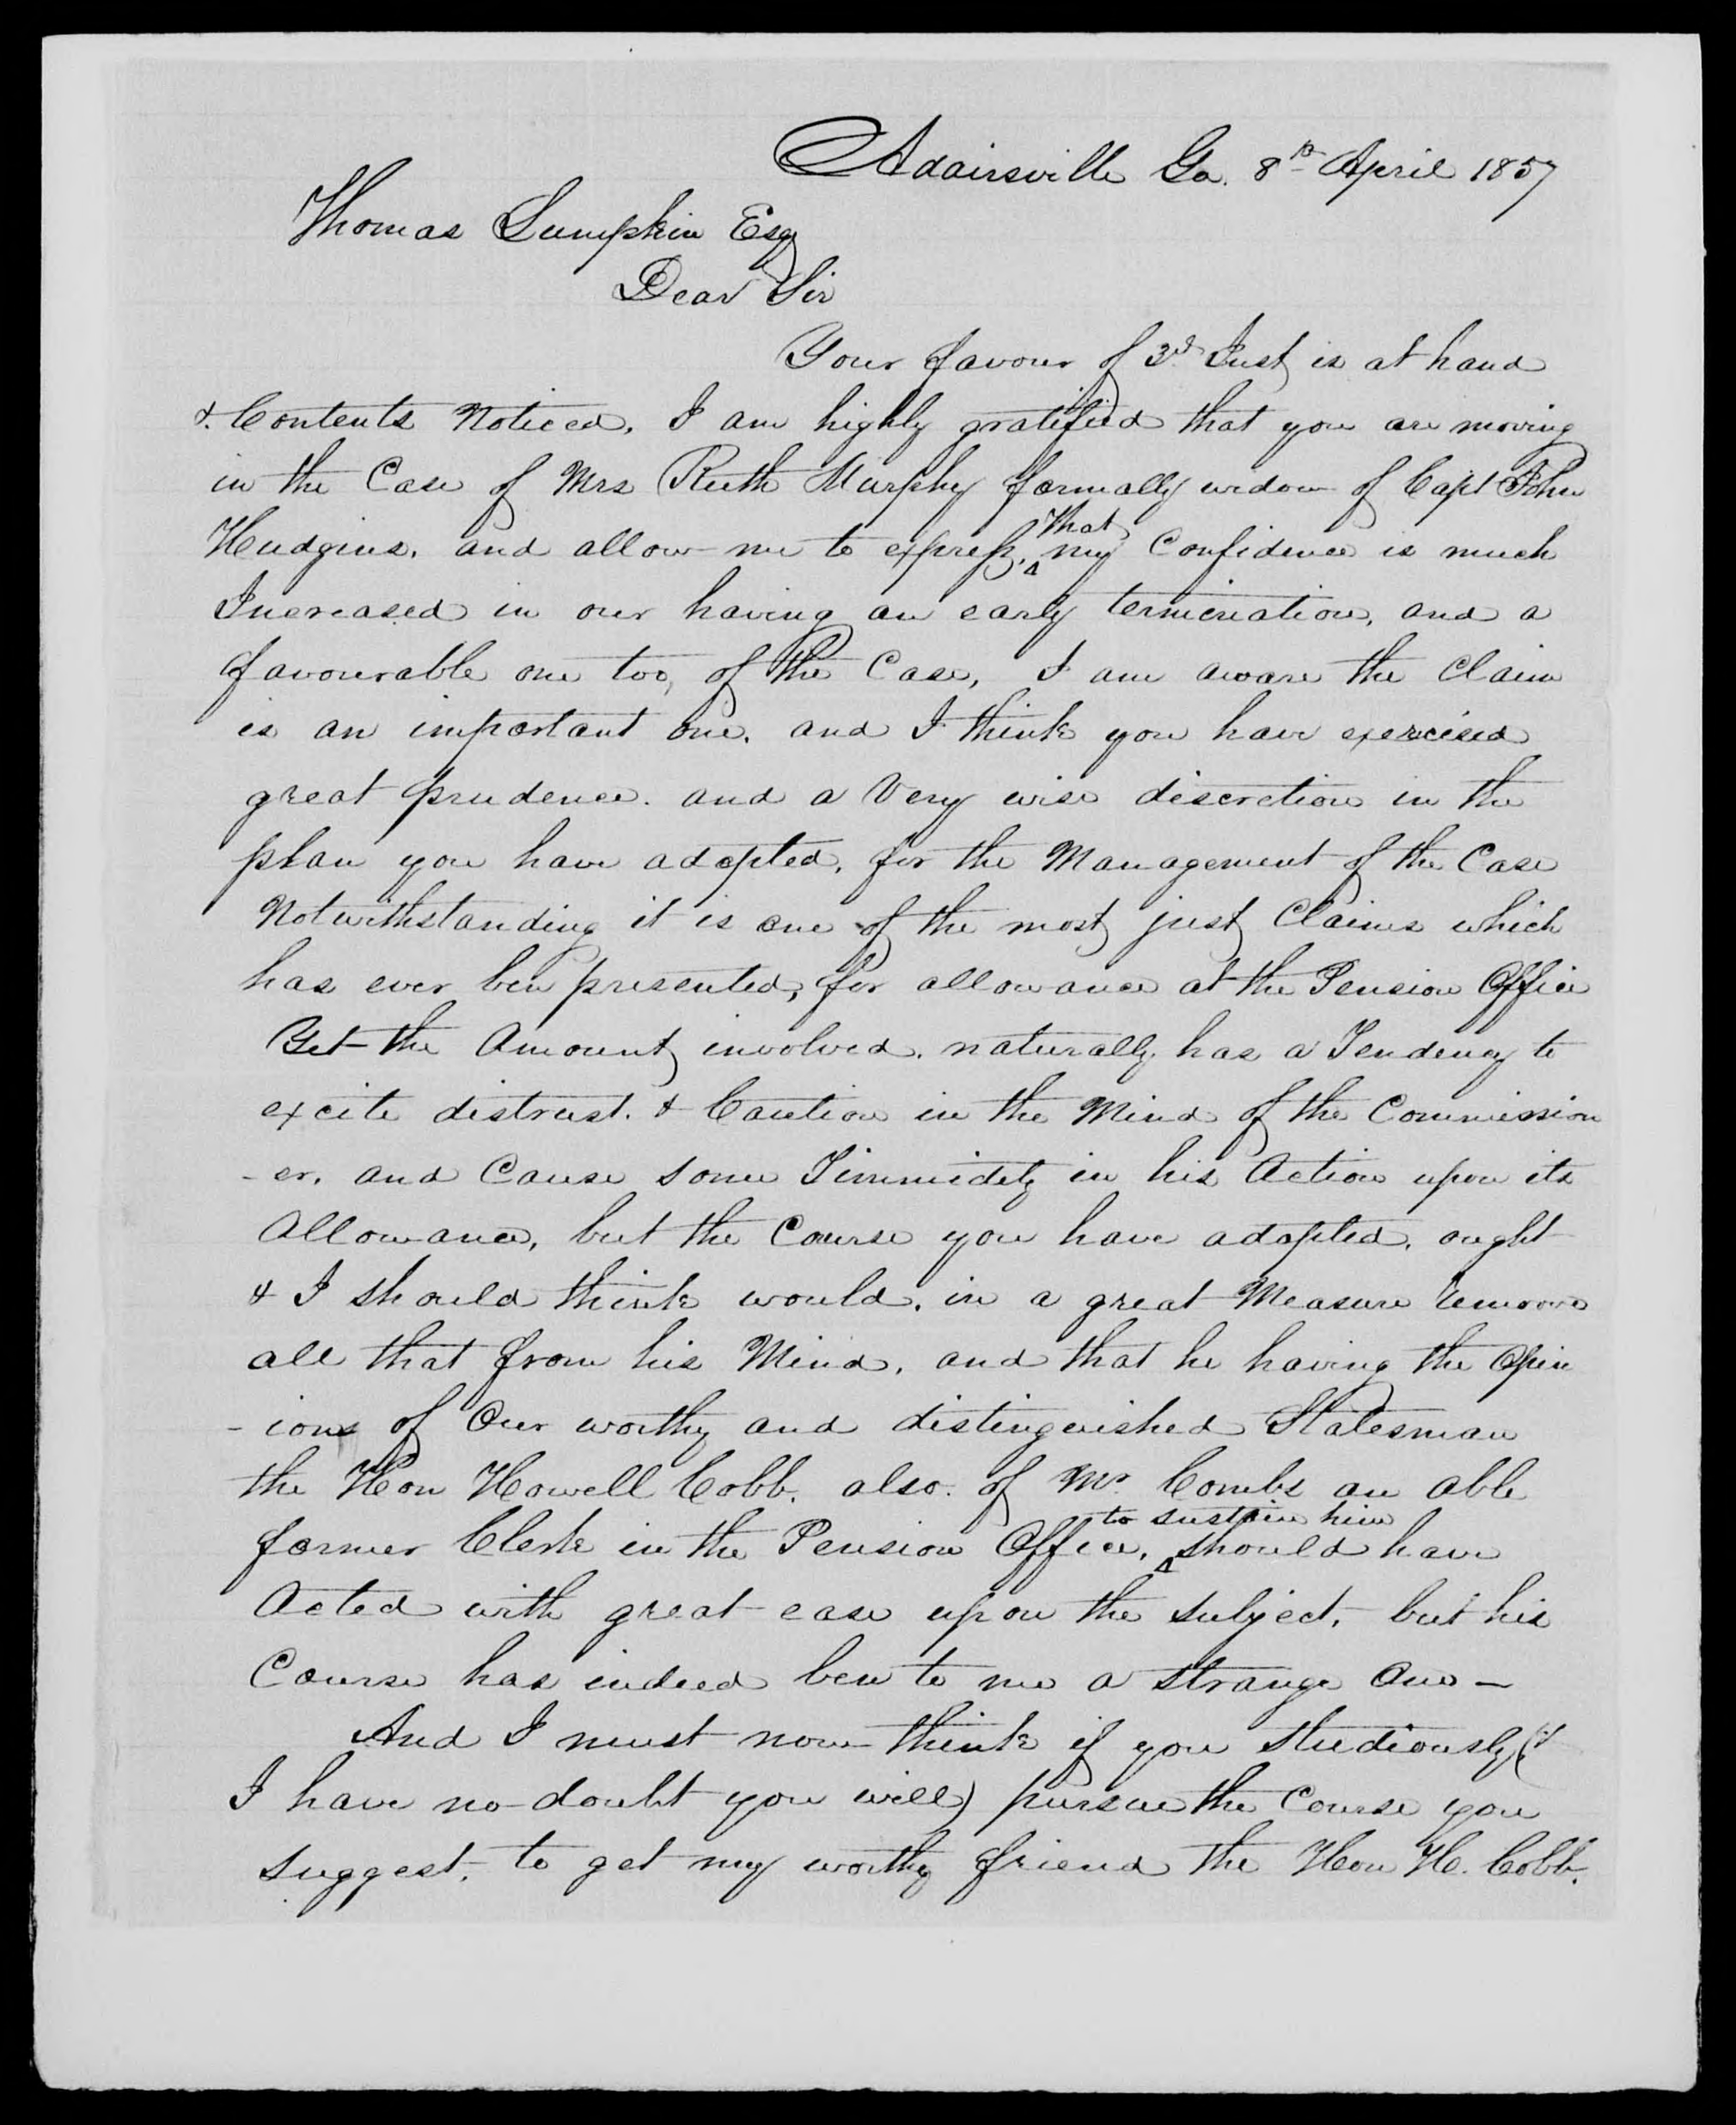Adair’s I’ll Ga 8th April 1857
Thomas Lumpkin Esq
Dear Sir
Your favor of 3rd August is at hand & contents noticed. I am highly gratified that you are moving in the case of Mrs Ruth Murphy formally widow of Capt. John Hudgins, and allow me to express that my confidence is much increased in our having an early ternicriation, and a favorable one to, of the case, I am aware the claim is an important one and I think you have exercised great prudence and a very wise discretion in the plan you have adopted for the management of the case notwithstanding it is one of the most just claims which has ever been presented for allowance at the Pension Office. But the amount involved naturally has a lending to excite distrust and cause some (not legible) in his action upon its allowance, but the course you have adapted ought and I should think would in a great measure amount all that from his mind and that he having the opinions of our worthy and distinguished statesman the Hon Howell Cobb also of Mr. Combs are able former Clerk in the Pension Office to sustain him should have acted with great ease upon the  subject, but his course had indeed been to me a strange one -  And I must now think if you studiously I have no doubt you will pursue the course you suggest to get my worthy friend the Hon H. Cobb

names: Combs, Thomas Lumpkin, Howell Cobb, Ruth Murphy, John Hudgins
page: 97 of 108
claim: rejected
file: R. 7,515, John Hudgins, N.C.